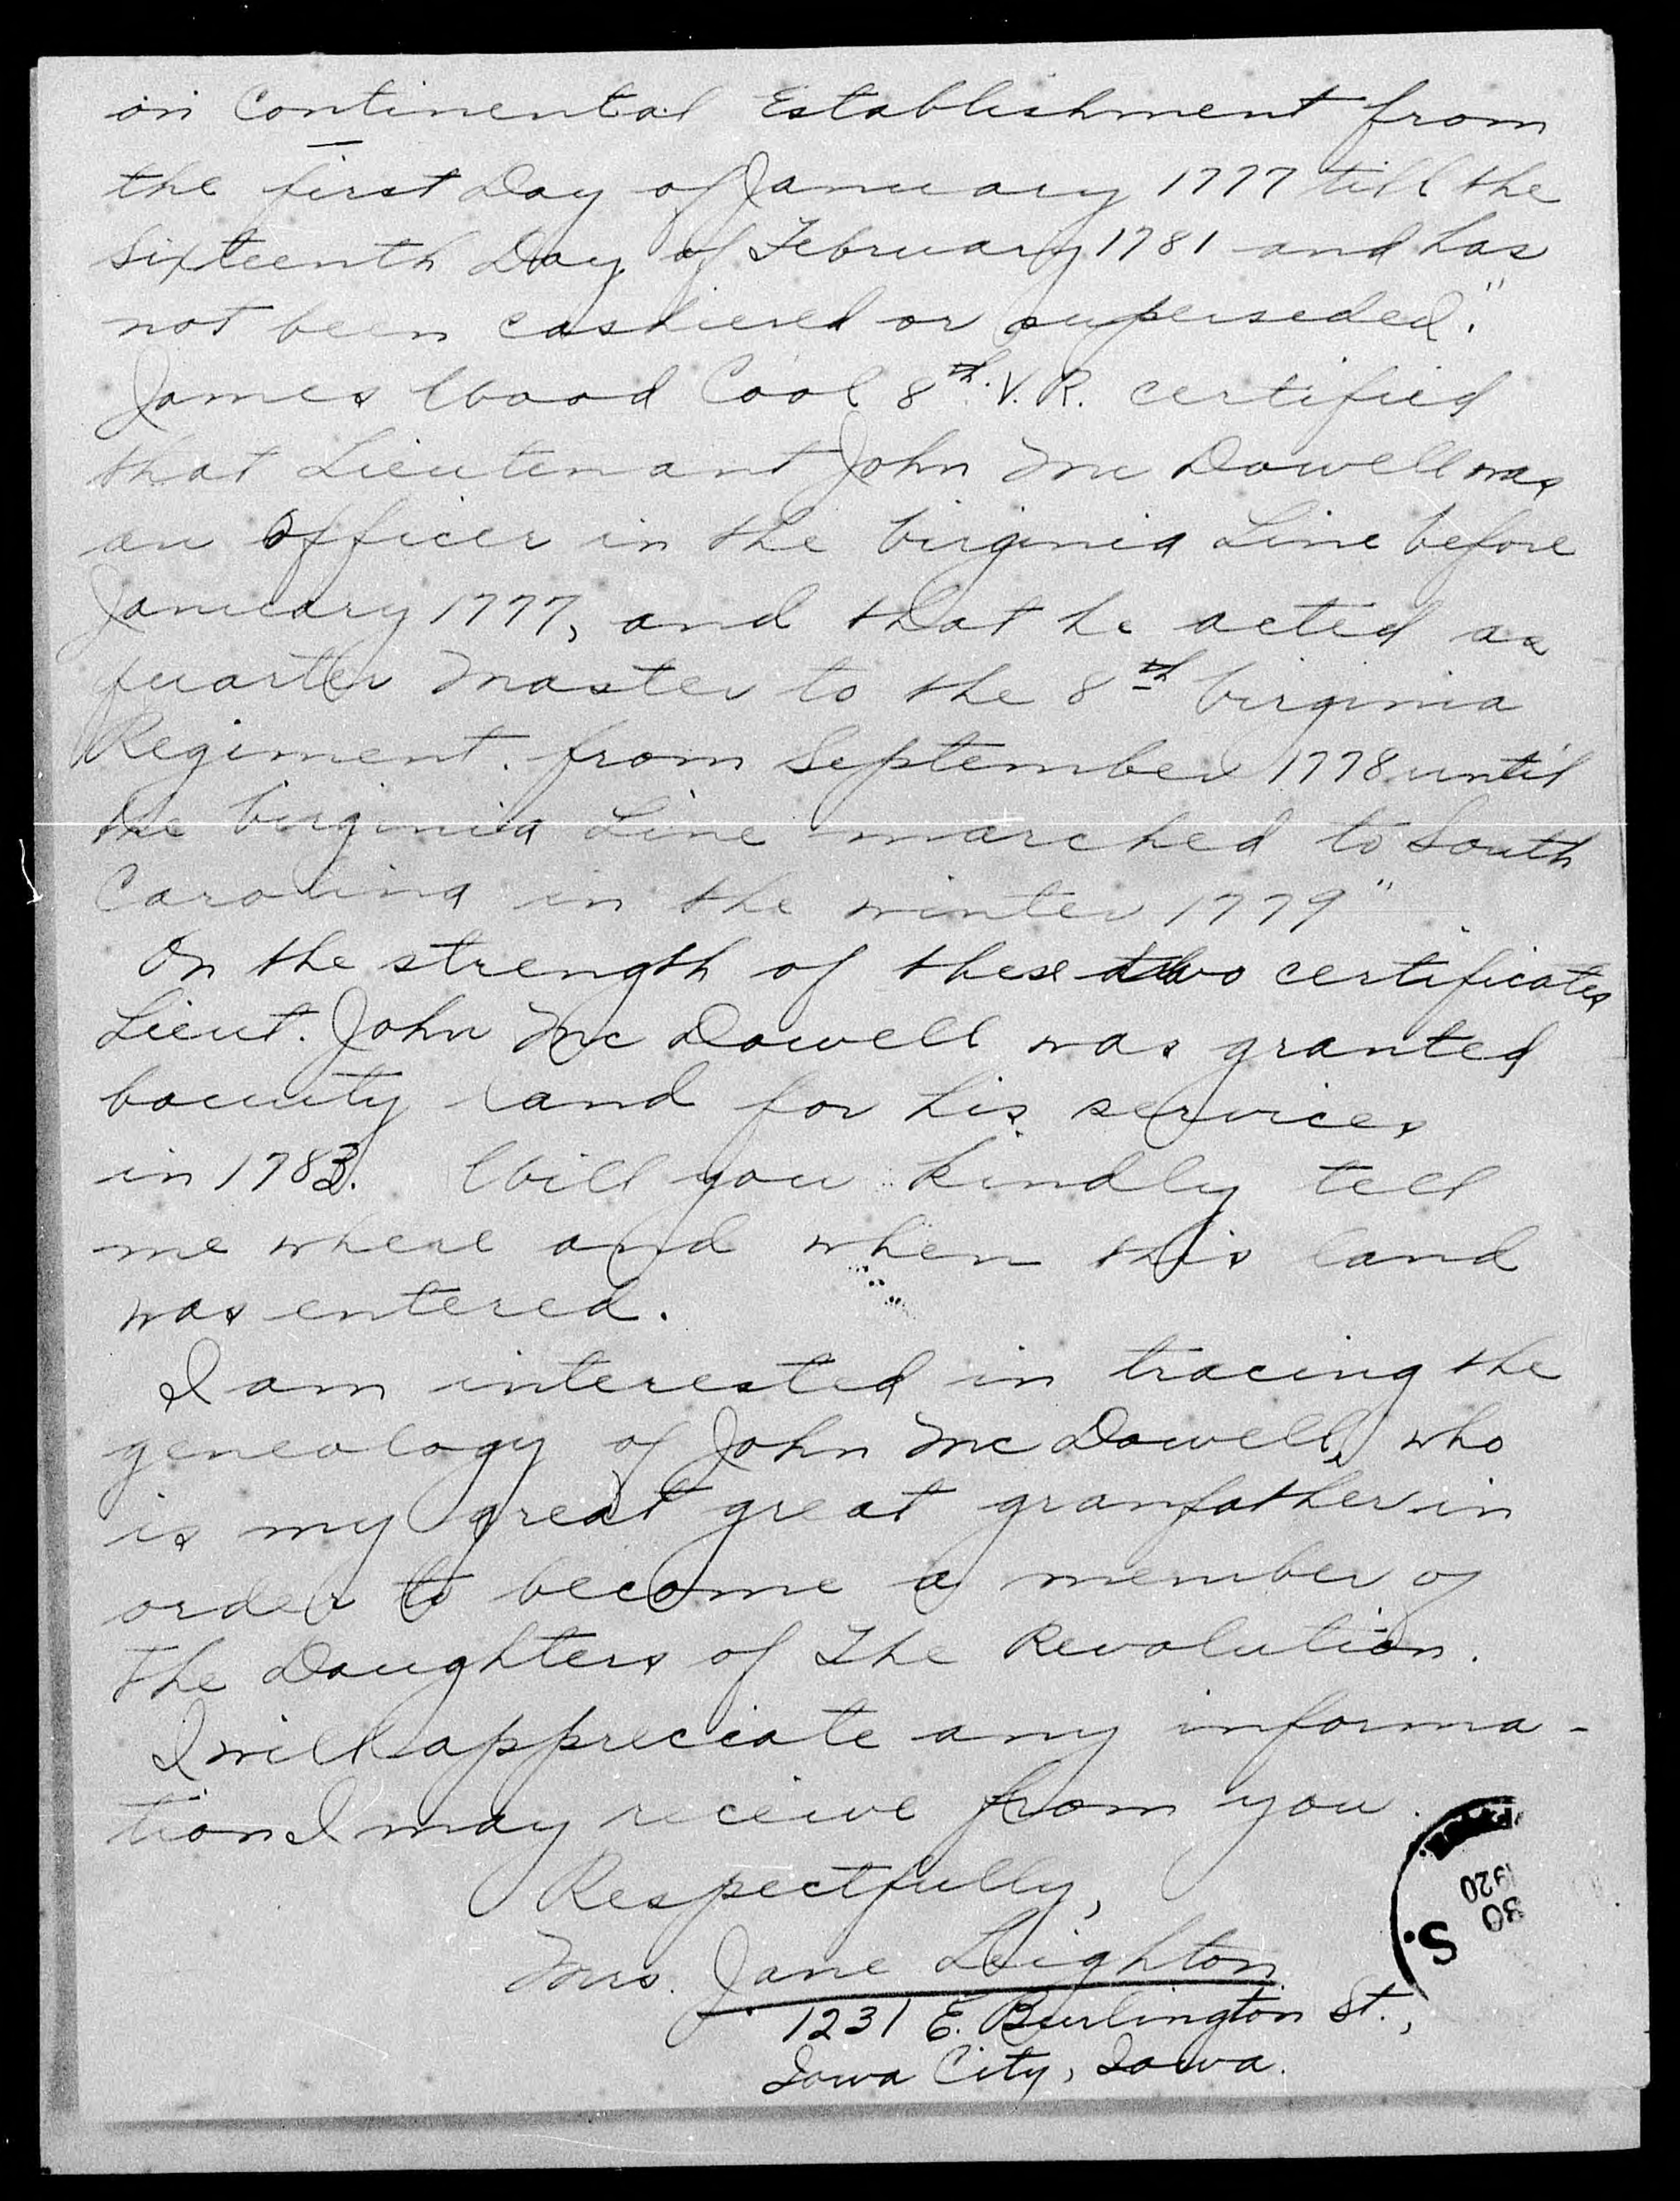on Continental Establishment from the first Day of January 1777 till the Sixteenth Day of February 1781 and has not been cashiered or suspended."
James Wood Cool 8th V.R. certified that Lieutenant John McDowell was an Officer in the Virginia Line before January 1777, and that he acted as quarter master to the 8th Virginia Regiment, from September 1778 until the Virginia Line marched to South Carolina in the winter 1779"
On the strength of these two certificates Lieut. John McDowell was granted bounty land for his services in 1783. Will you kindly tell me where and when this land was entered.
I am interested in tracing the genealogy of John McDowell, who is my great great grandfather in order to become a member of The Daughters of The Revolution.
I will appreciate any information I may receive from you.
Respectfully,
Mrs. Jane Leighton
1231 E. Burlington St.,
Iowa City, Iowa.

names: James Wood; Jane Leighton; John Mc Dowell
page: 41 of 47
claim: survivor's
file: S. 30578, for John Mc Dowell, Virginia